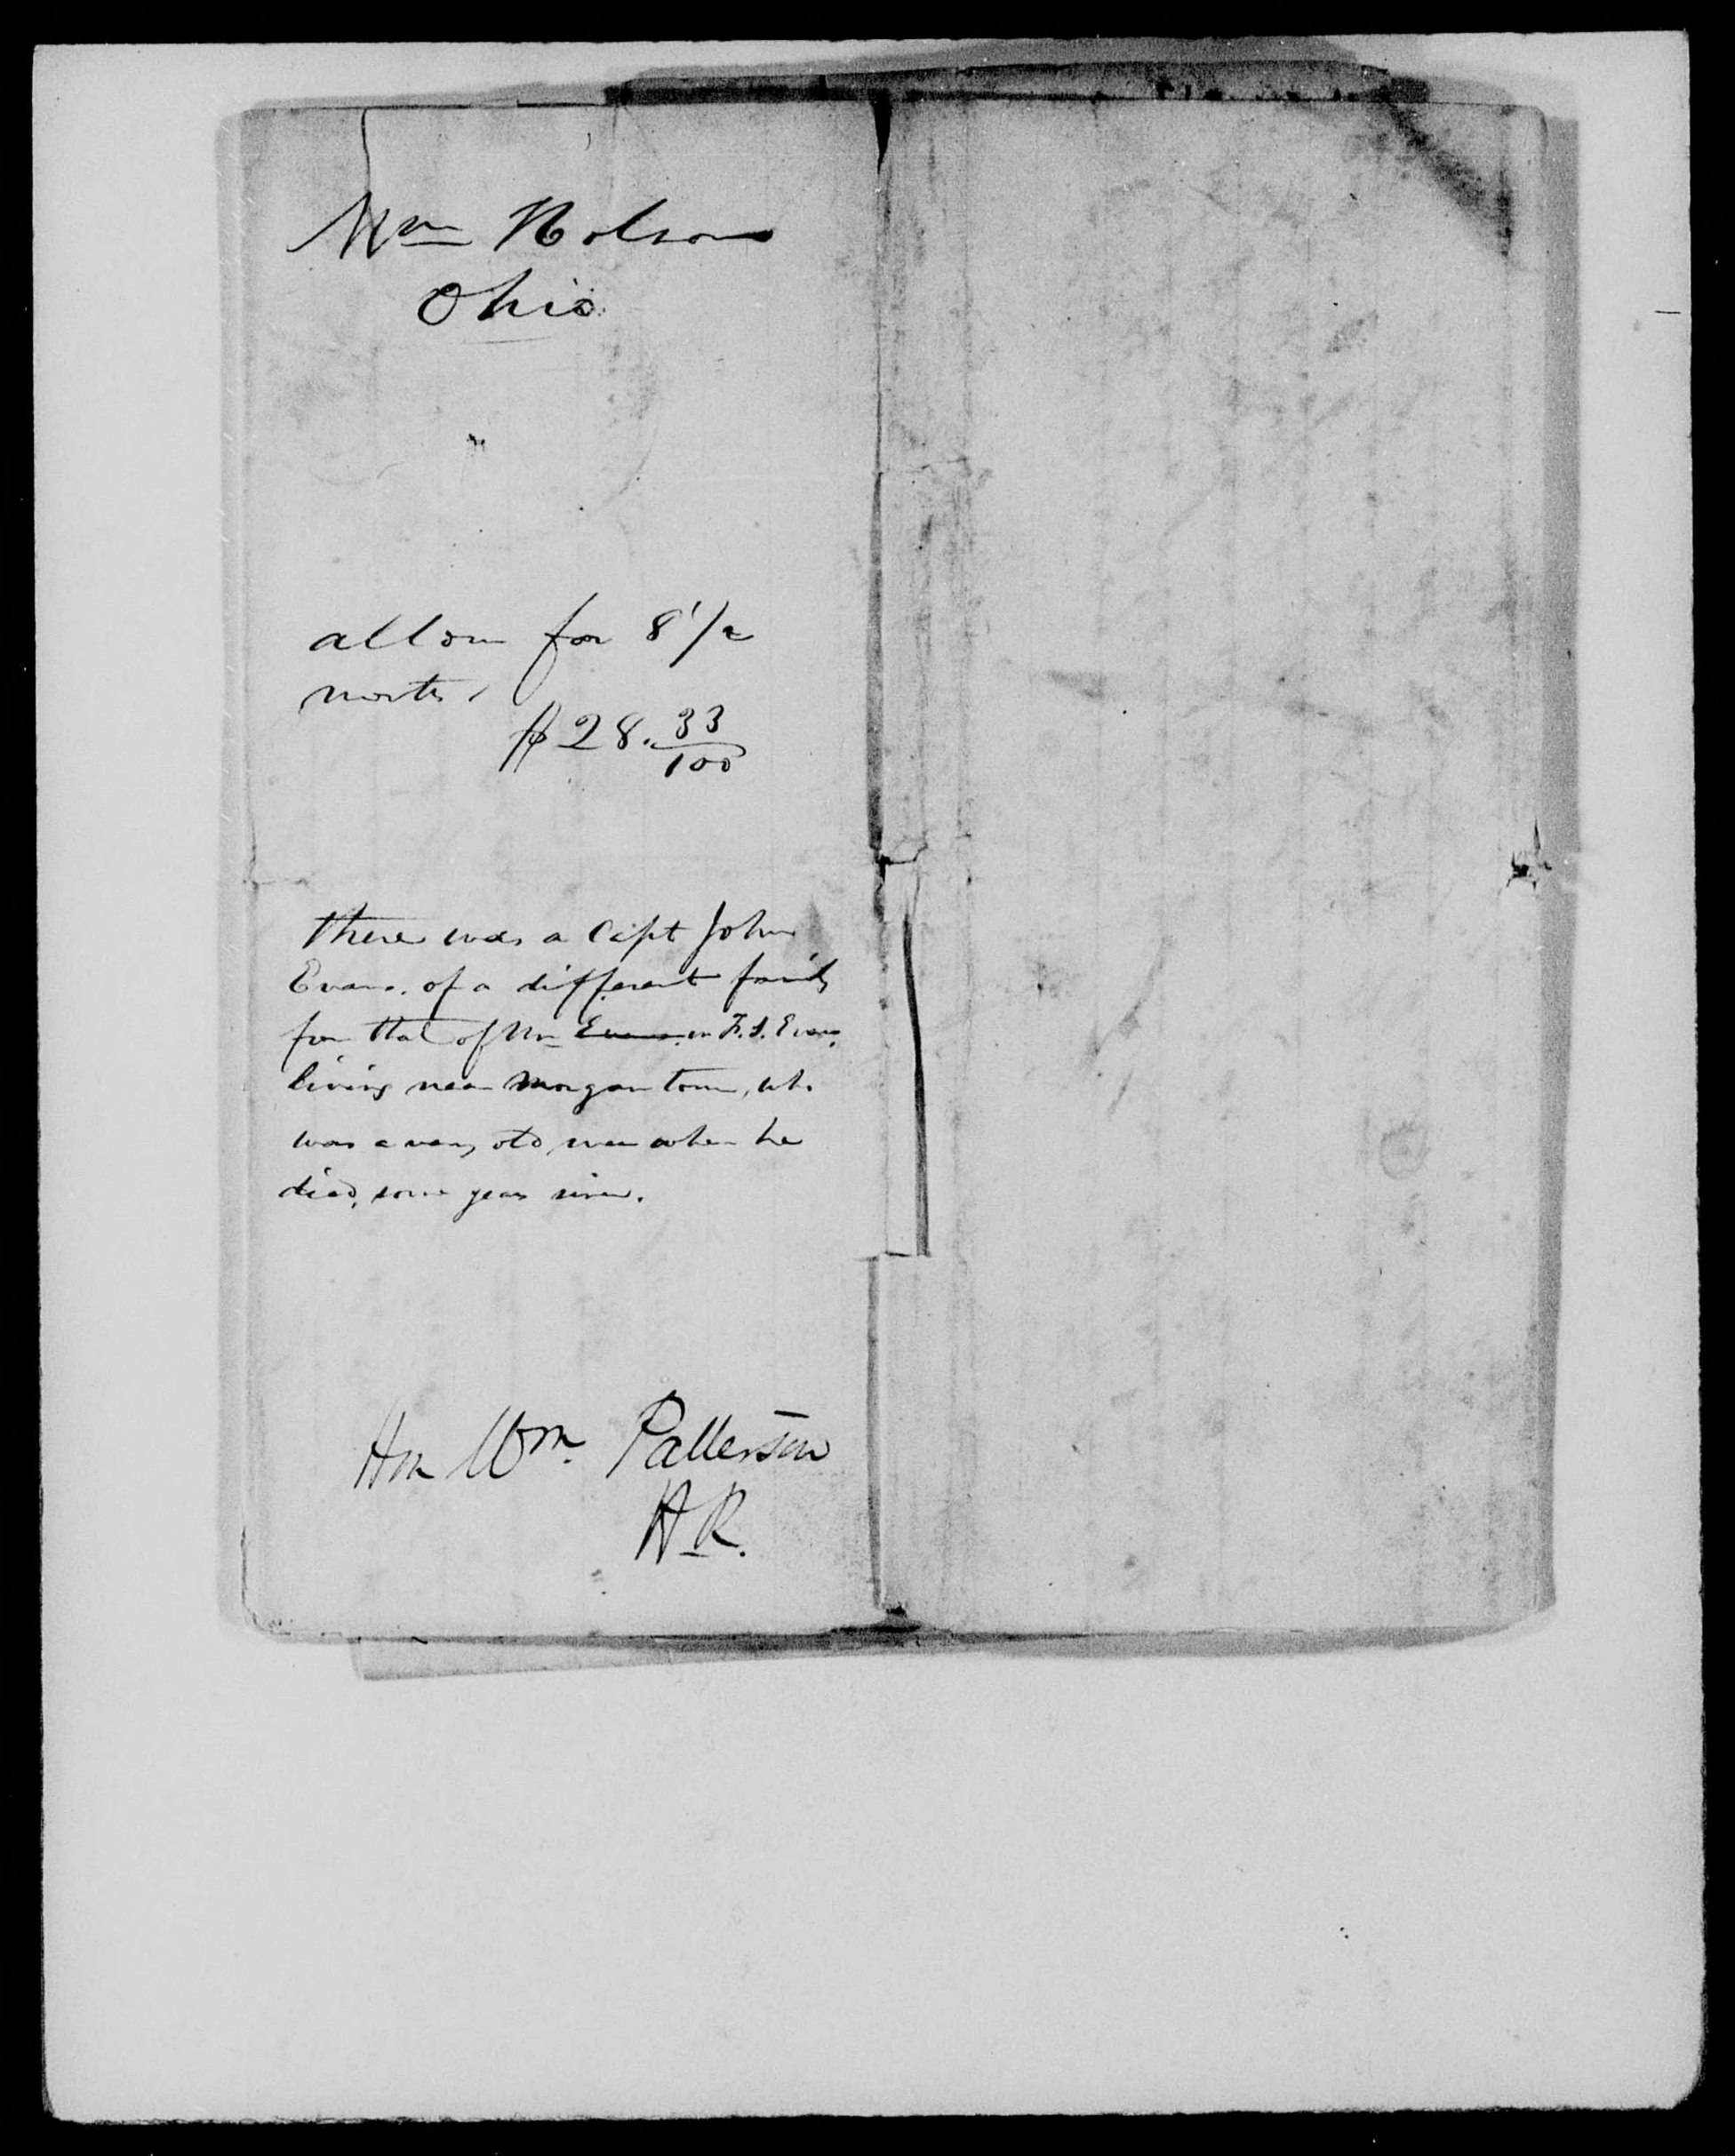Wm Holson
Ohio
allow for 8 1/2 months
$28.33/100
there was a Capt John Evans of a different family for that of Mr Evans F. S. Evans, living near Morgantown, Al. was a very old man when he died, some years since.
Hon Wm. Patterson
HR.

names: F S Evans, Wm Holson, Evans, John Evans, Wm Patterson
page: 17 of 33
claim: survivor's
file: S. 9587, William Holson, Va.